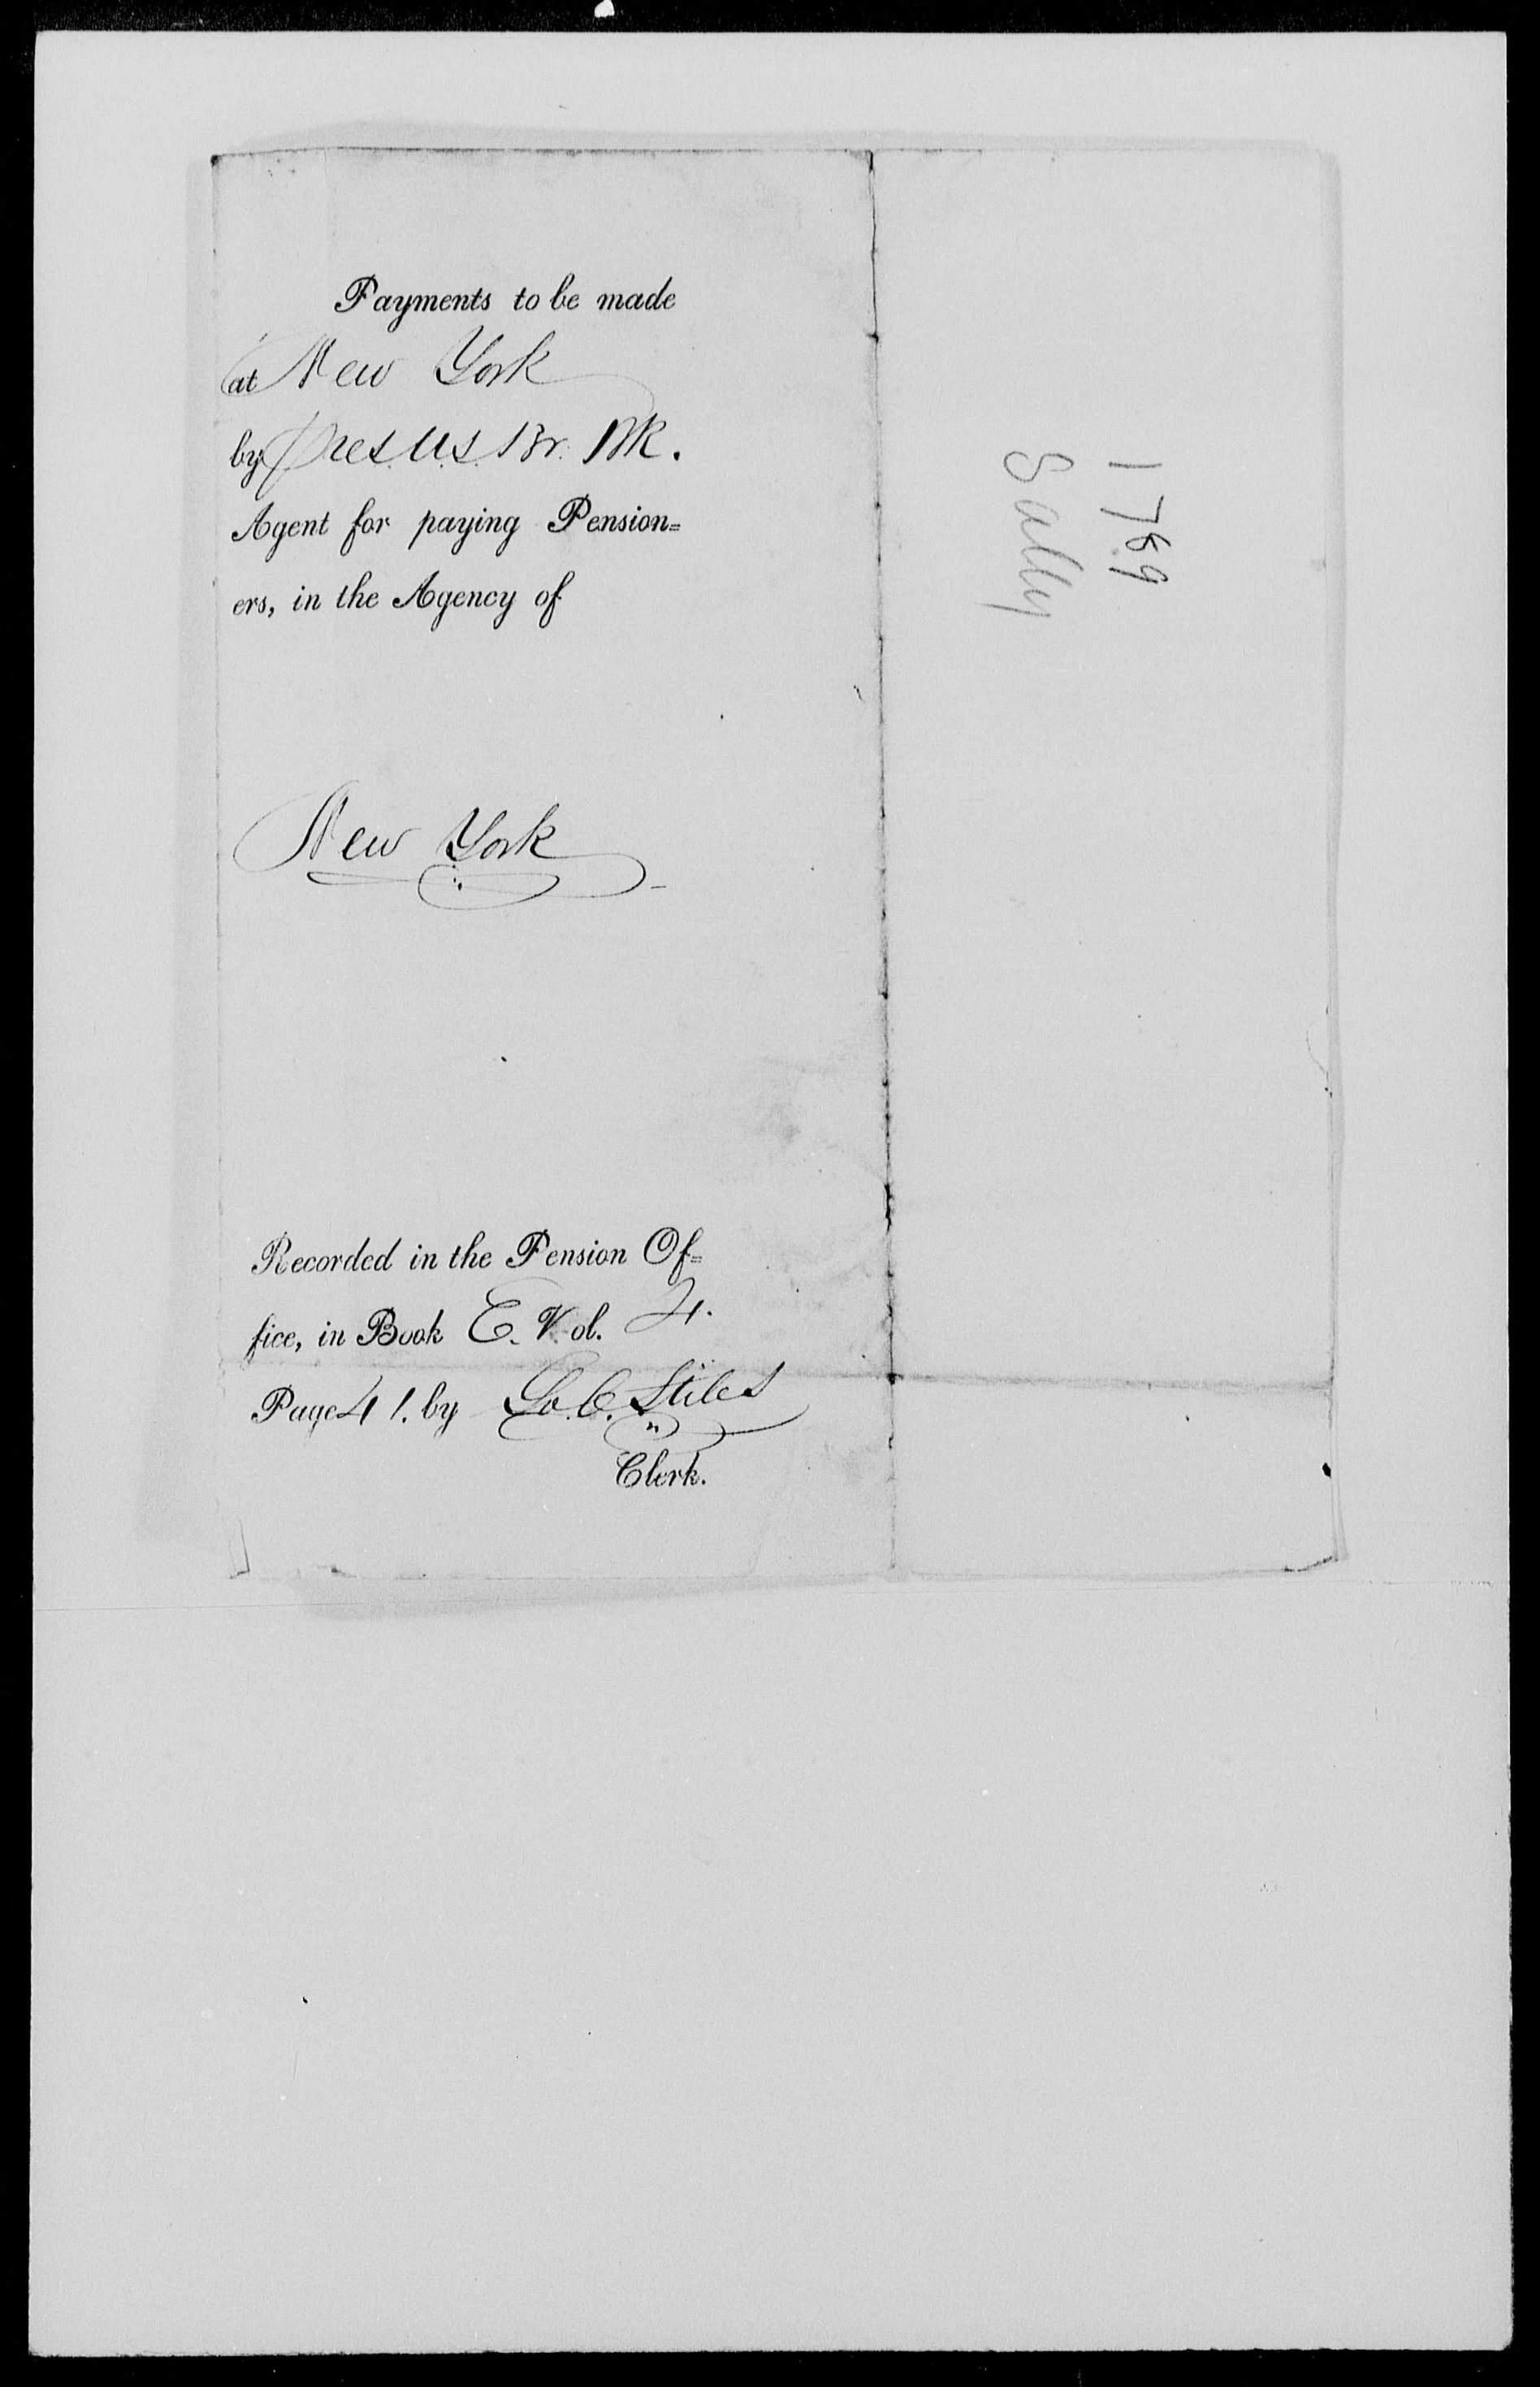[left side]
Payments to be made
At New York
by Pres. U.s. [illegible] [illegible]
Agent for paying Pensioners
in the Agency of
New York
Recorded in the Pension Office, in Book E. Vol. H
Page 41. by Go. C. Stiles
Clerk.

[right side]
[vertical]
1789
Sally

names: Go C Stiles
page: 55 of 74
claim: widow's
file: W. 23424, John Allen, Mass. R. I.